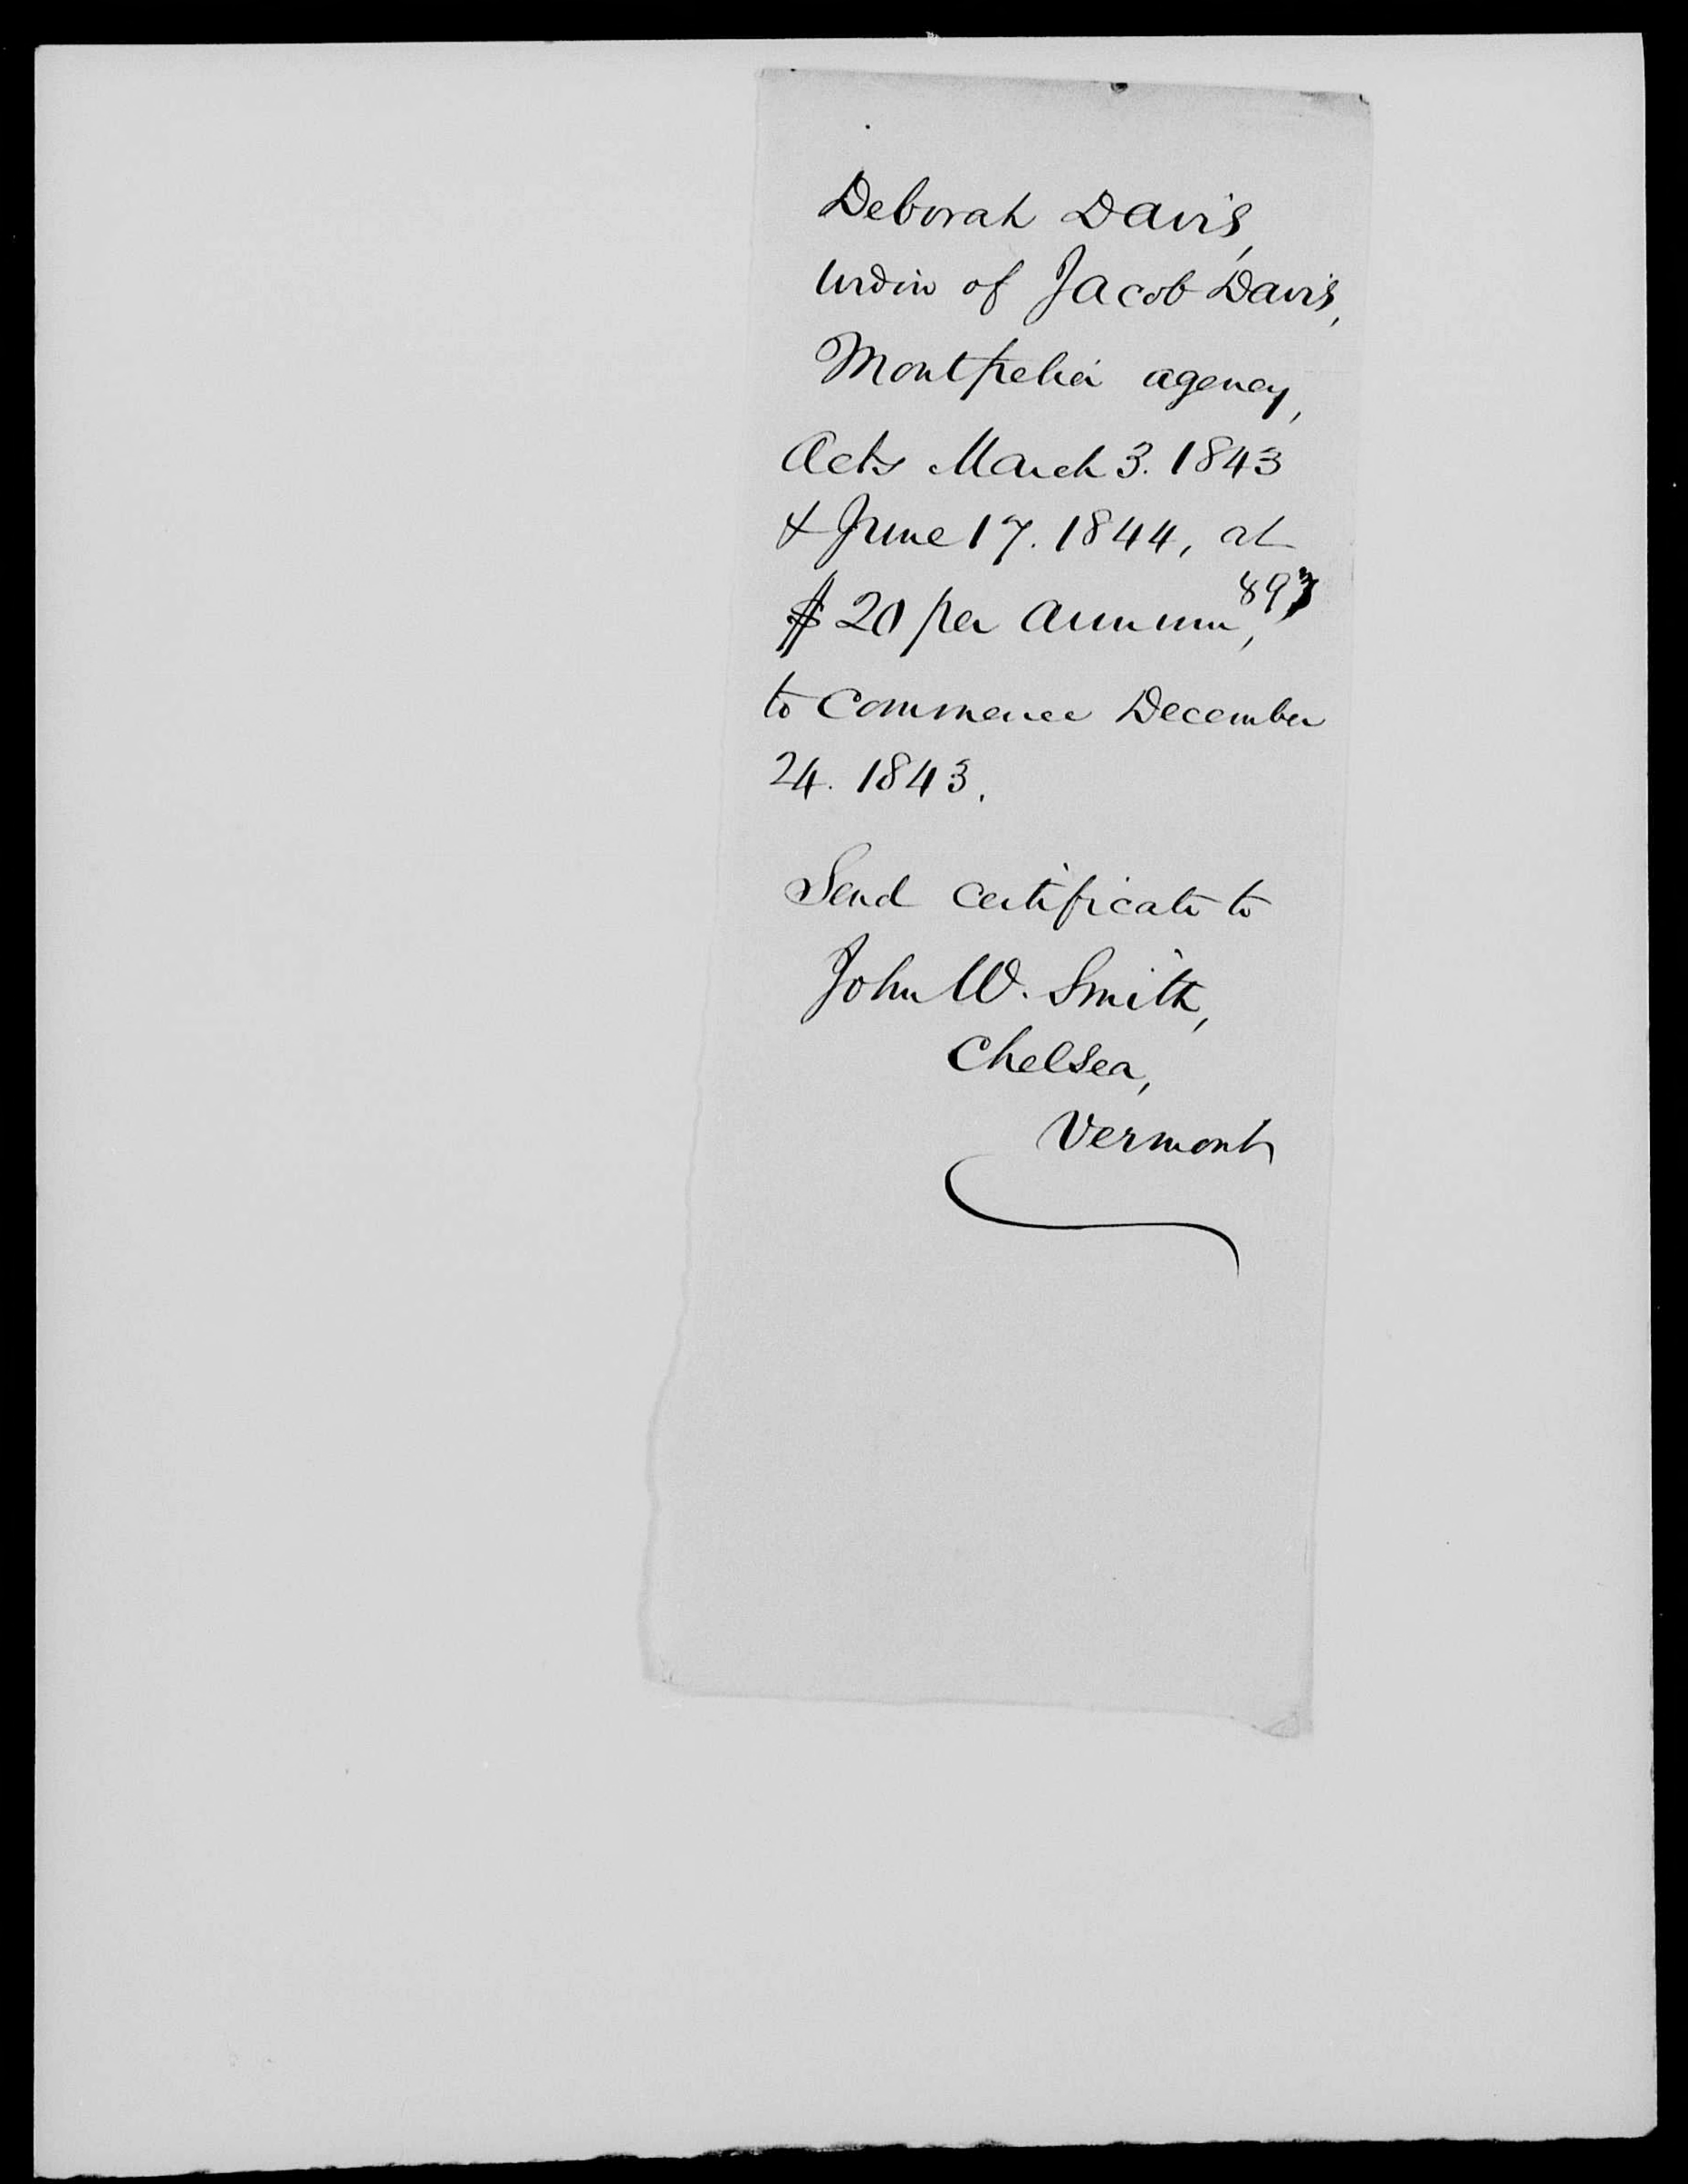Deborah Davis, 
widow of Jacob Davis,
Montpelier agency,
Acts March 3, 1843
and June 17, 1844, at
89
$20 per annum,
to commence December 24, 1843.
Send certificate to
John W. Smith
Chelsea, Vermont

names: Deborah Davis, John W Smith, Jacob Davis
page: 38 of 47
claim: widow's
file: W. 24043, Jacob Davis, N.H.